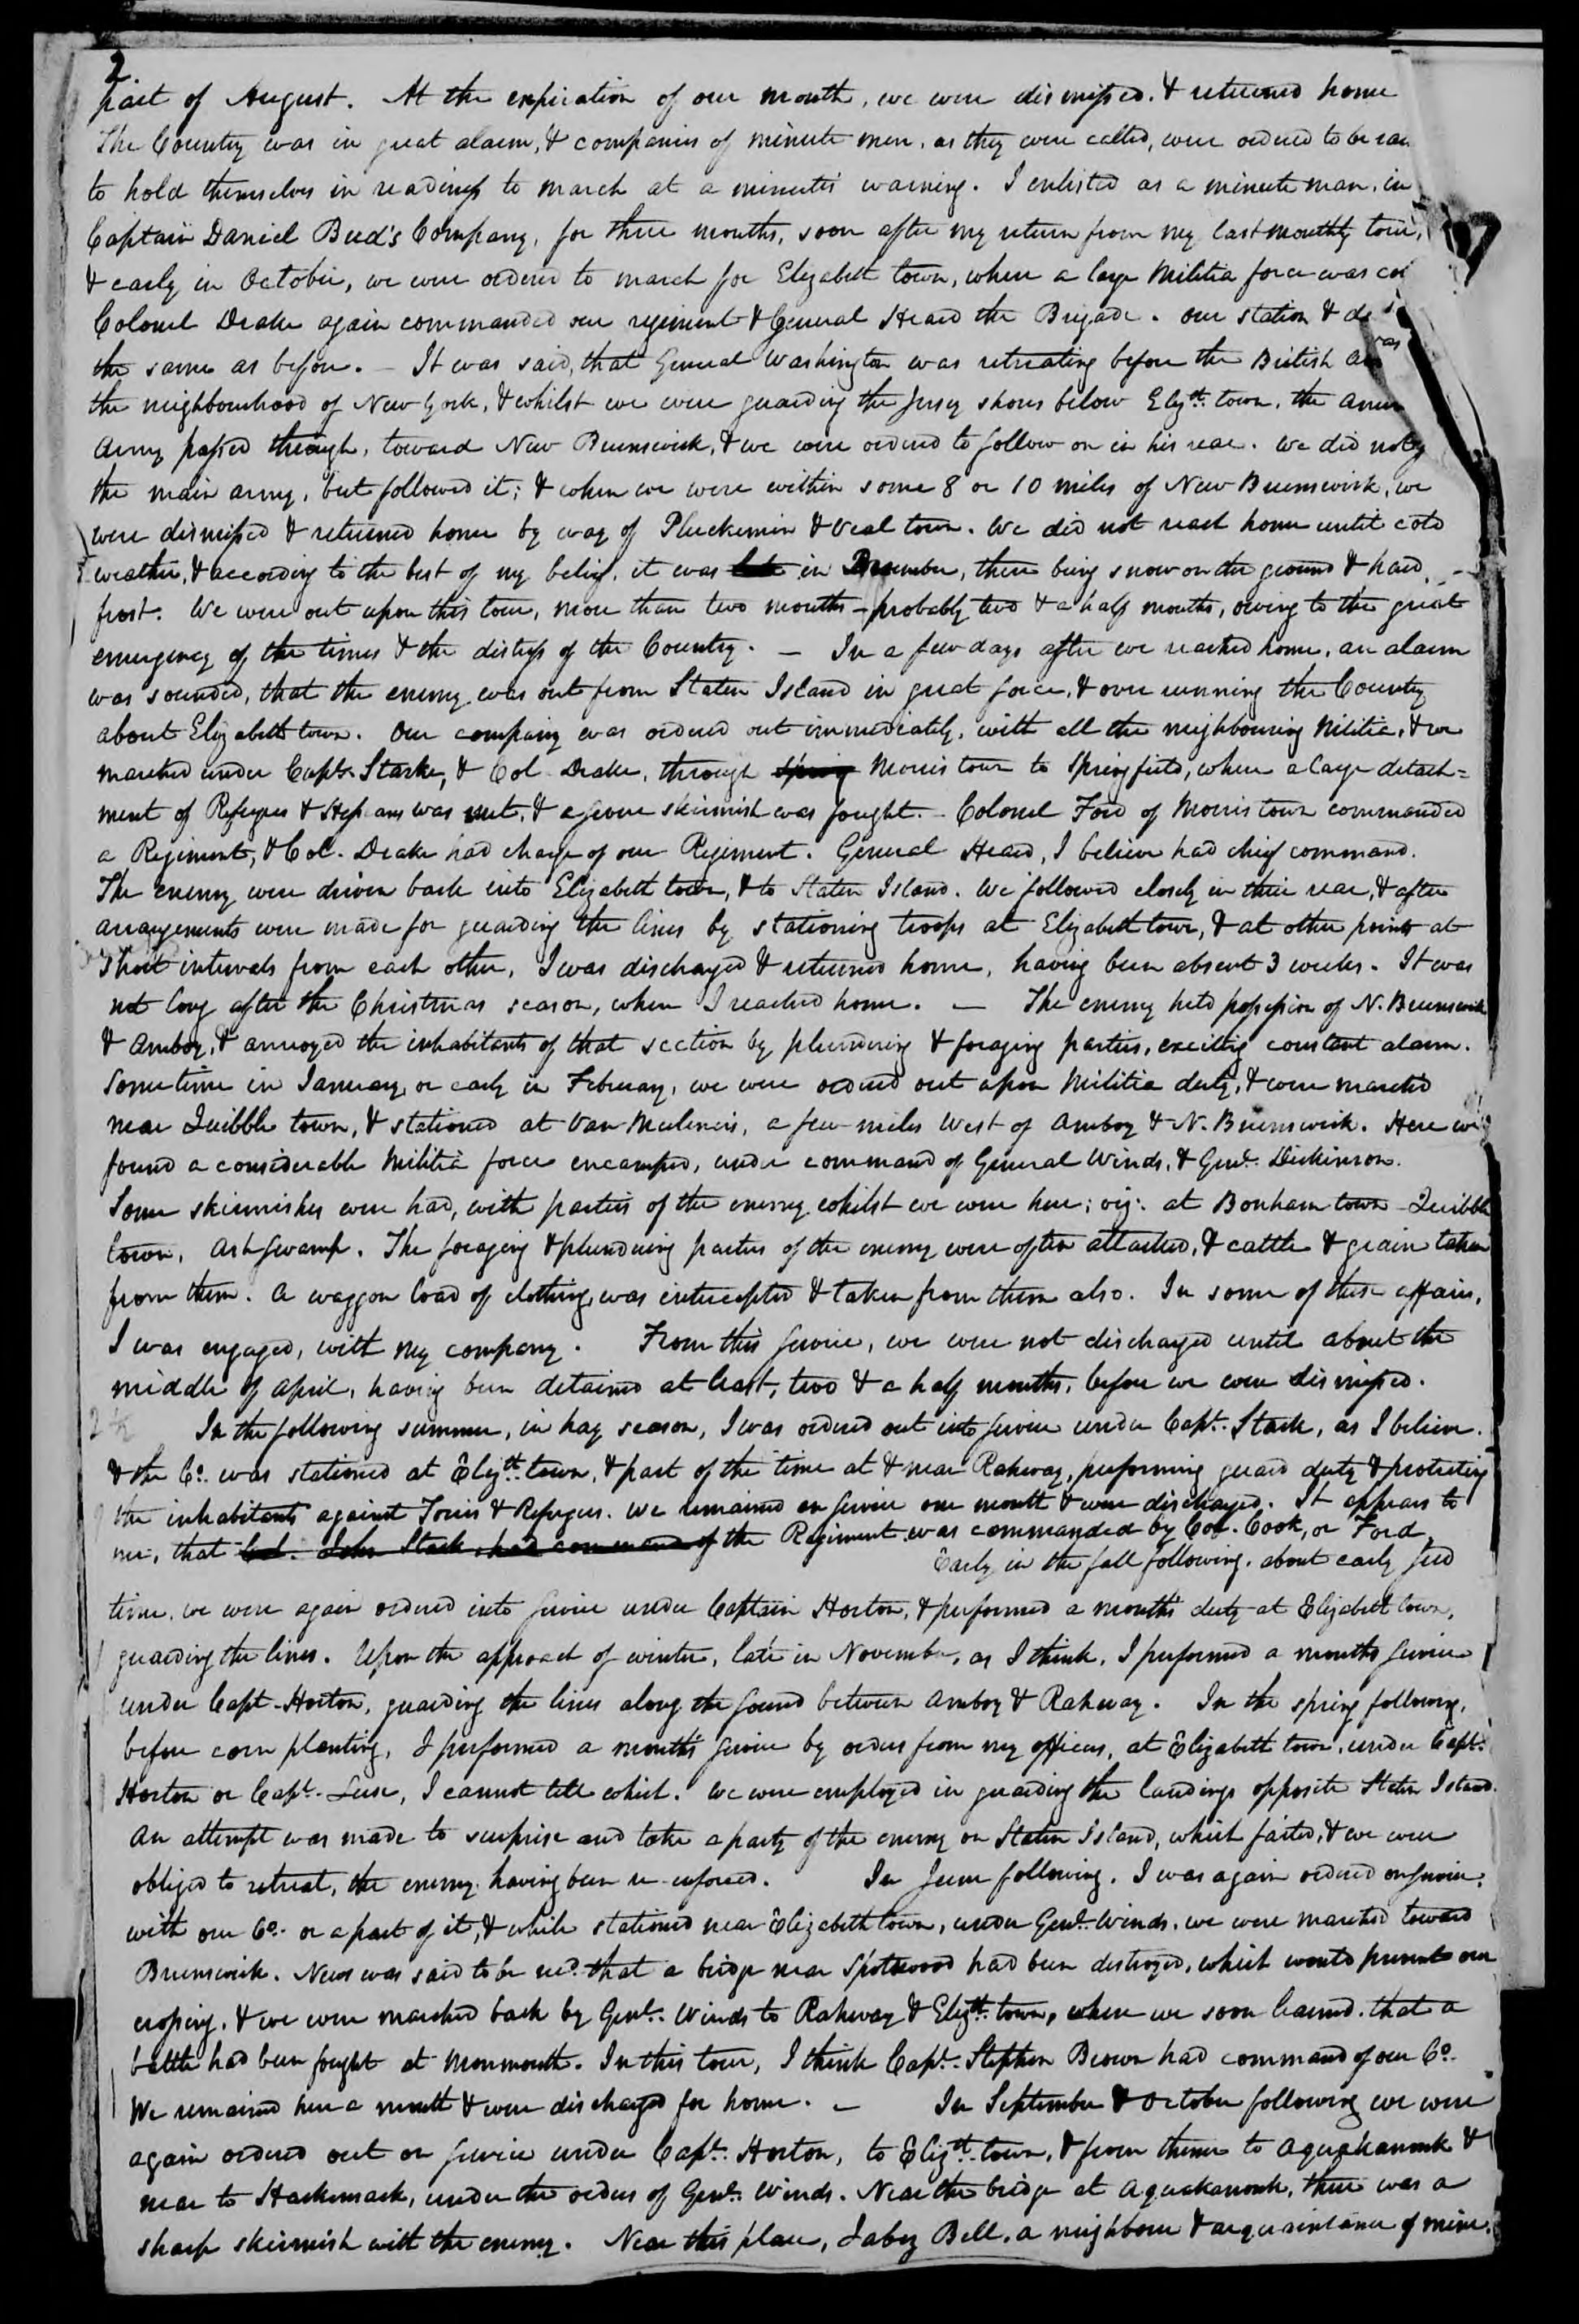2.
part of August.  At the expiration of our month, we were dismissed & returned home.  The Country war in great alarm, & companies of minute men, as they were called, were ordered to be ran to hold themselves in readying to march at a minutes warning. I enlisted as a minute man, in Captain Daniel Bud's Company, for three months, soon after my return from my last monthly tour, & early in October, we were ordered to march for Elizabethtown, when a large militia force was co[illegible] Colonel Drake again commanded our regiment & General Heard the Brigade.  Our station & do the same as before.  It was said that General Washington was retreating before the British [illegible] the neighborhood of New York, & which we were guarding the Jersey shores follow Elizabethtown.  The anu[illegible] Army paper through, toward New Brunswick, & we were ordered to follow on in his rear.  we did not[illegible] the main army, but followed it; & when we were within some 8 or 10 miles of New Brunswick, we were dismissed & returned home by way of Pluckermin & real tow.  We did not read home until cold weather, & according to the best of my belief, it was in December, there being snow on the ground & hard frost.  We were out upon this tour, more than two months - probably two & a half months, or [illegible] to the [illegible] emergency of the times & the [illegible] of the Country. - In a few days, after we marched home, an alarm was sounded, that the enemy was out from Staten Island in just force, & over running the county about Elizabethtown.  Our company was around out immediately, with all the neighboring militia.  & we marched under Capt. Starke, & Col. Drake, through Morris Town to Springfield, when a [illegible] detachment of Refugees & Hess an was out. & above skirmish was fought. - Colonel Ford of Morristown commanded a Regiment, & Col Drake had charge of our Regiment.  General Heard, I believe had chief command.  The enemy were driven back into Elizabethtown, & to Staten Island. We followed closely in their war, & after arrangements were made for guarding the lines by stationing troops at Elizabethtown, & at other points ag
that intervals from each other.   I was discharged & returned home, having been about 3 weeks.  it was not long after the Christmas season, when I reached home.  - The enemy had possession of N. Brunswick & Amber, & annoyed the inhabitants of that section by planning & forging parties, exciting constant alarm.
Sometime in January or early in February, we were ordered out upon militia duty. & we marched new Quibble town, & stationed at Van Muliner's, a few miles west of Amber & N. Brunswick.  Herein found a considerable militia force encamped, under command of General Winds, & General Dickinson. Some skirmishes were had, with parties of the enemy whilst we were here; oy: at Bonham town - Quibble town, Ash Swamp.  The foraging & plundering parties of the enemy were often attacked, & cattle & grain taken from them. A waggon load of clothing, was intercepted & taken from them also.  In some of the these affairs, I was engaged, with my company.  From this service, we were not discharged until about the middle of April, having been detained at last, two & a half months, before we were dismissed. 
2 1/2 In the following summer, in hay season, I was ordered out into service under Capt. Stark, as I believe & the Co. was stationed at Elizthl..town, & part of the time at & Mar Rohwar, performing guard duty & protecting the inhabitants against Tories & Refugees.  We remained  on service one month & were discharged. It appears to me, that the Regiment was commanded by Col. Cook, or Ford, 
Early in the fall following about early  fall time, we were again ordered into service under Captain Horton, & performed a months duty at Elizabethtown, guarding the lines.  Upon the approach of winter, late in November, or I think, I performed a months service under Capt Horton, guarding the lines along the sound between Amber & Rahway.  In the spring following before corn planting, I performed months service by order from my offices, at Elizabethtown, under Capt. Horton or Capt. Lees, I cannot tell which.  We were employed in guarding the landings opposite Staten Island. 
An attempt were made to surprise and take a part of the enemy on Staten Island, which failed, & we were obliged to trust, the enemy having been re-enforced.  In June following, I was again ordered [illegible] with our Co. or a part of it, & while stationed near Elizabethtown, under Genl Winds, we were marched toward Brunswick.  [illegible] was said to be [illegible] that a bridge near Spotswood had been destroyed, which went to present our company, & we were marched back by Genl. Winds to Rahwar & Elizth town, when we soon learned that a battle had been fought at monmouth.  In this tour, I think Capt. Stephen brown had command of our Co.
We remained here a month & were dischared for home.  - In September & October following we were again ordered out for service under Capt. Horton, to Elizth..town, & from there to Aquakanauk & near to Haskamask, under the order of Genl.. Winds.  Niether Bridge at Aquakanauk, there was a sharp skirmish with the enemy.  Near this place, Jaby Bell, a neighbor & acquaintance of mine.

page: 5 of 20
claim: survivor's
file: S. 4911, for Daniel Swayze, New Jersey